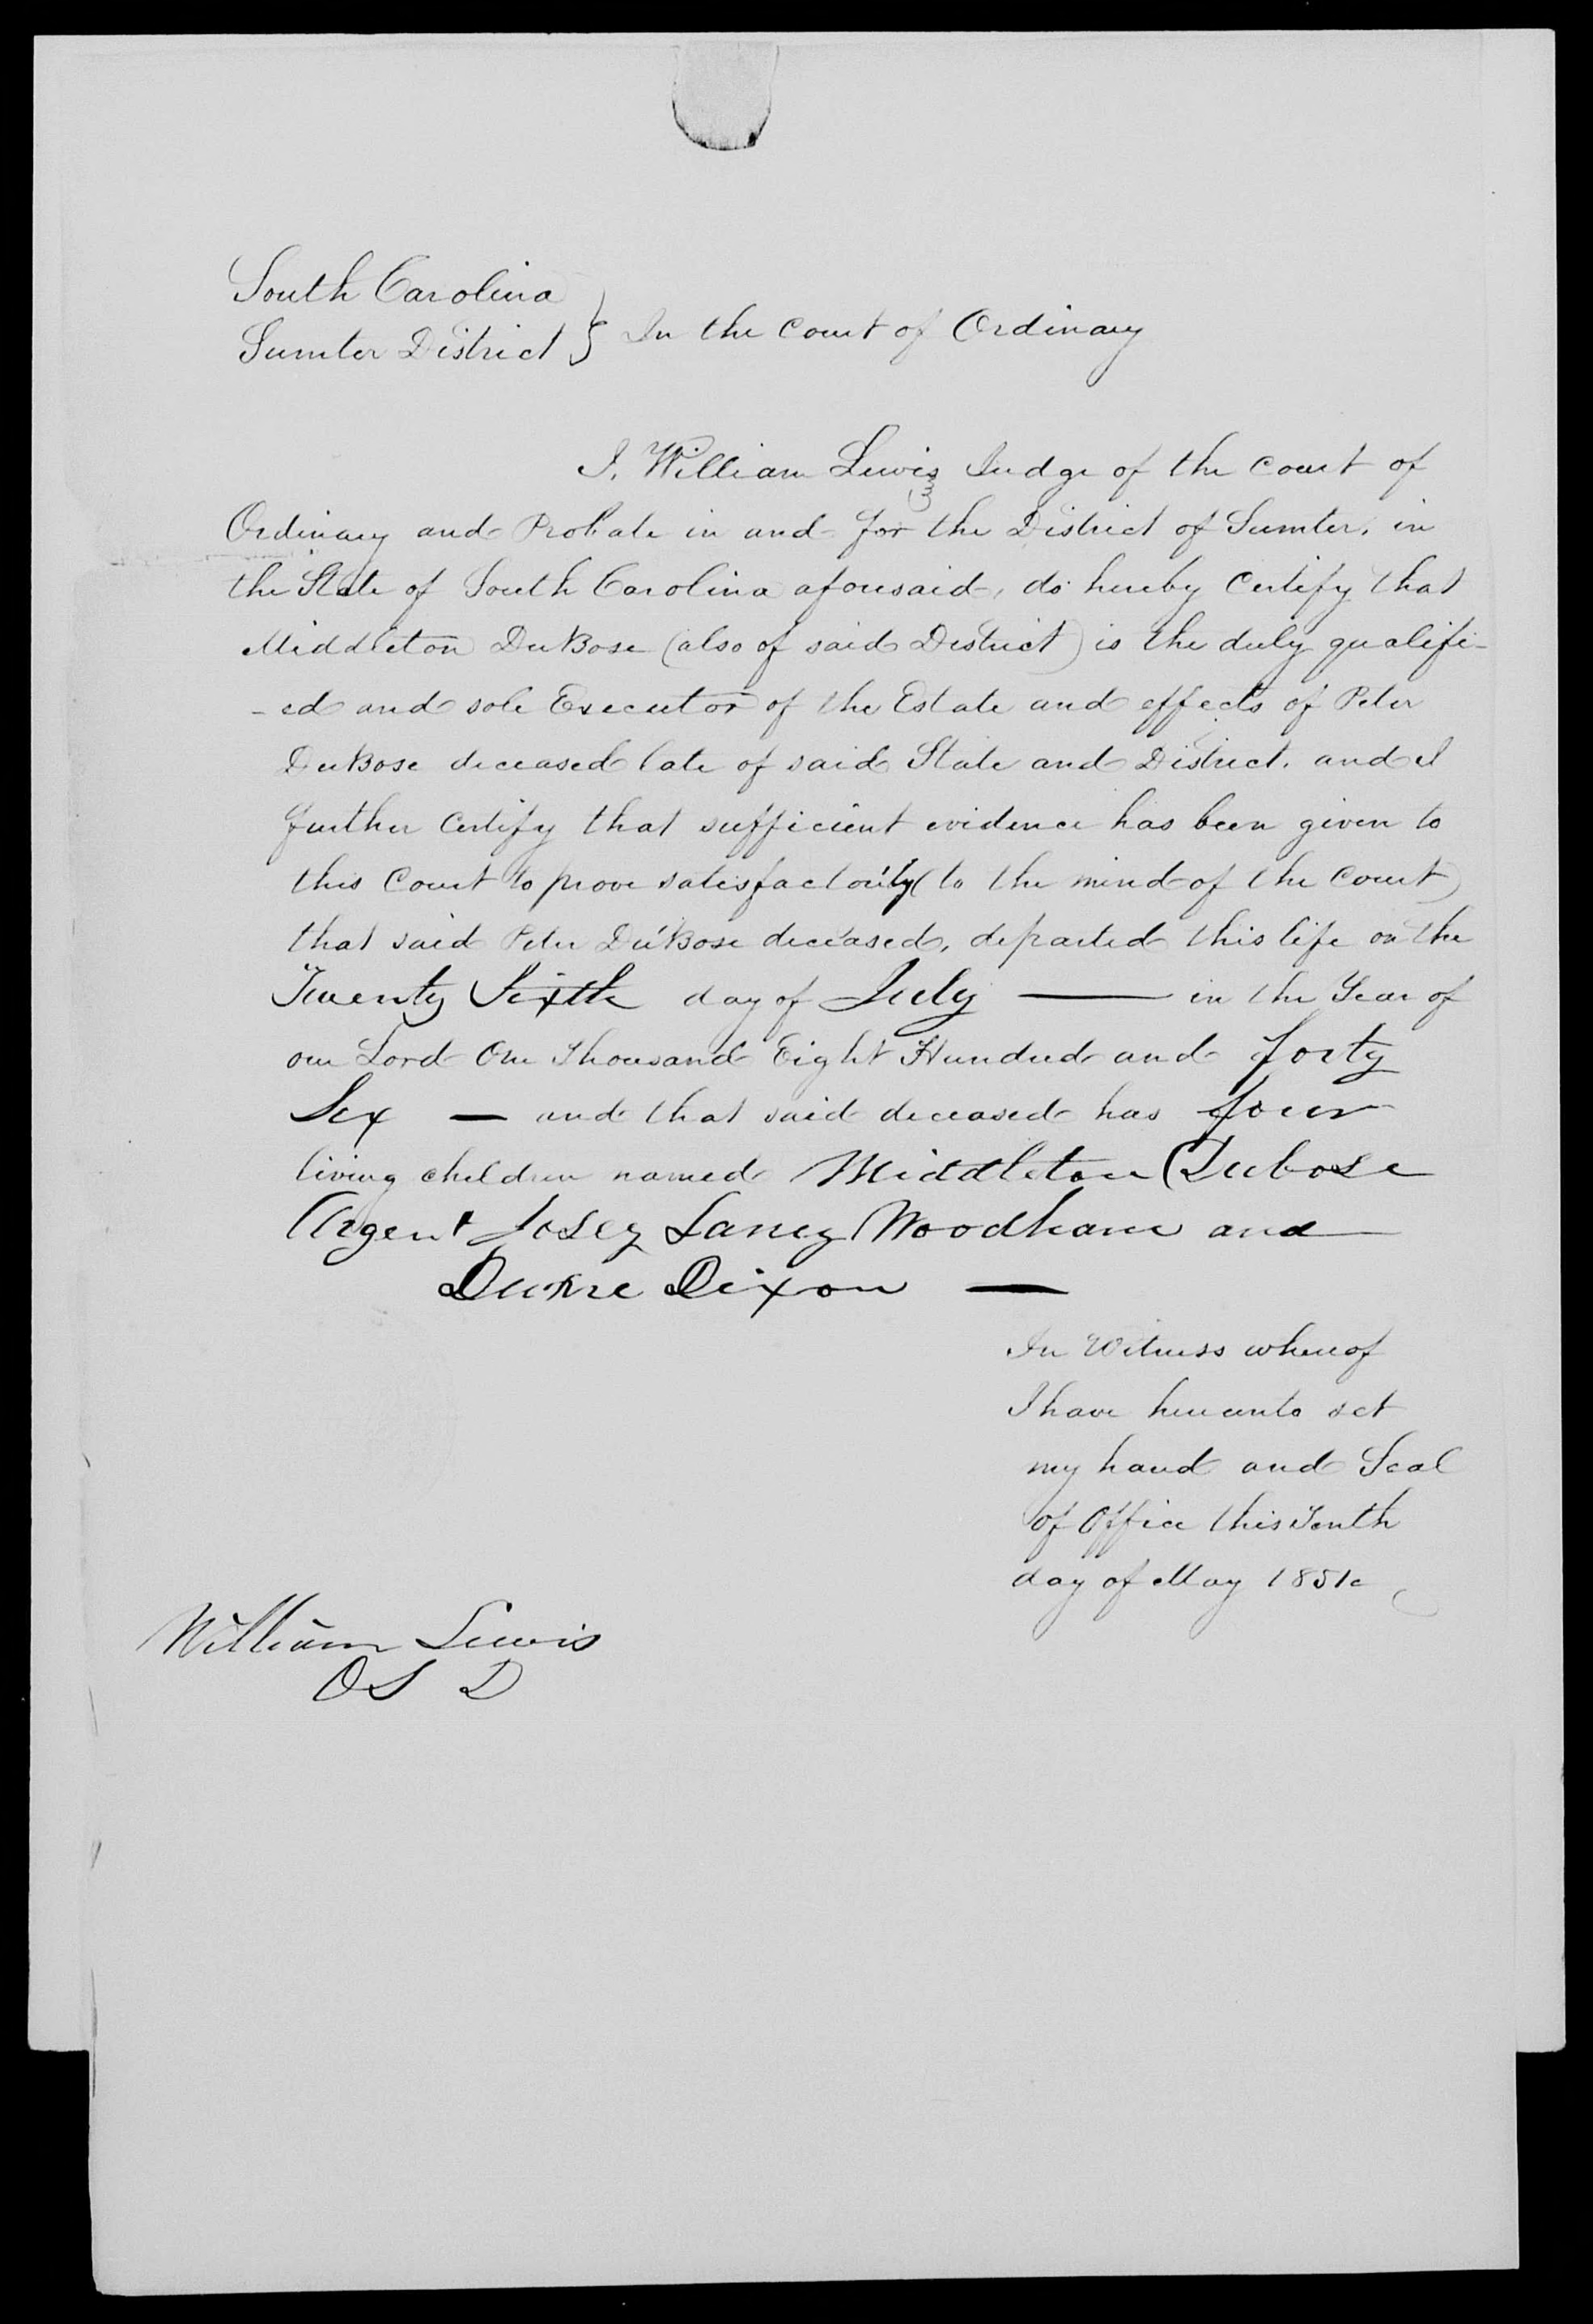South Carolina
Sumter District
In the Court of Ordinary 
 I, William Lewis, Judge of the Court of
Ordinary and Probate in and for the District of Sumter, in the State of South Carolina aforesaid, do hereby certify that Middleton DuBose (also of Said District) is the duly qualified and sole Executor of the Estate and effects of Peter
DuBose deceased late of said State and District, and I further certify that sufficient evidence has been given to this Court to prove satisfactorily (to the mind of the Court) that said Peter DuBose deceased, departed this life on the Twenty Sixth day of July in the year of our Lord One Thousand Eight Hundred and forty Six ---and that said deceased has four living children named Middleton Dubose, Argent & Josey Laney Woodham and Dupre Dixon.__
In Witness whereof
I have hereunto set
my hand and Seal
of Office this Tenth
day of May 1851

William Lewis
OSD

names: William Lewis, Middleton Dubose, William Lewis, Dupre Dixon, Peter Du Bose, Middleton Du Bose, Peter Du Bose, Argent Josey, Laney Woodham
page: 3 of 43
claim: survivor's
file: S. 21163, Peter Dubose, S.C.